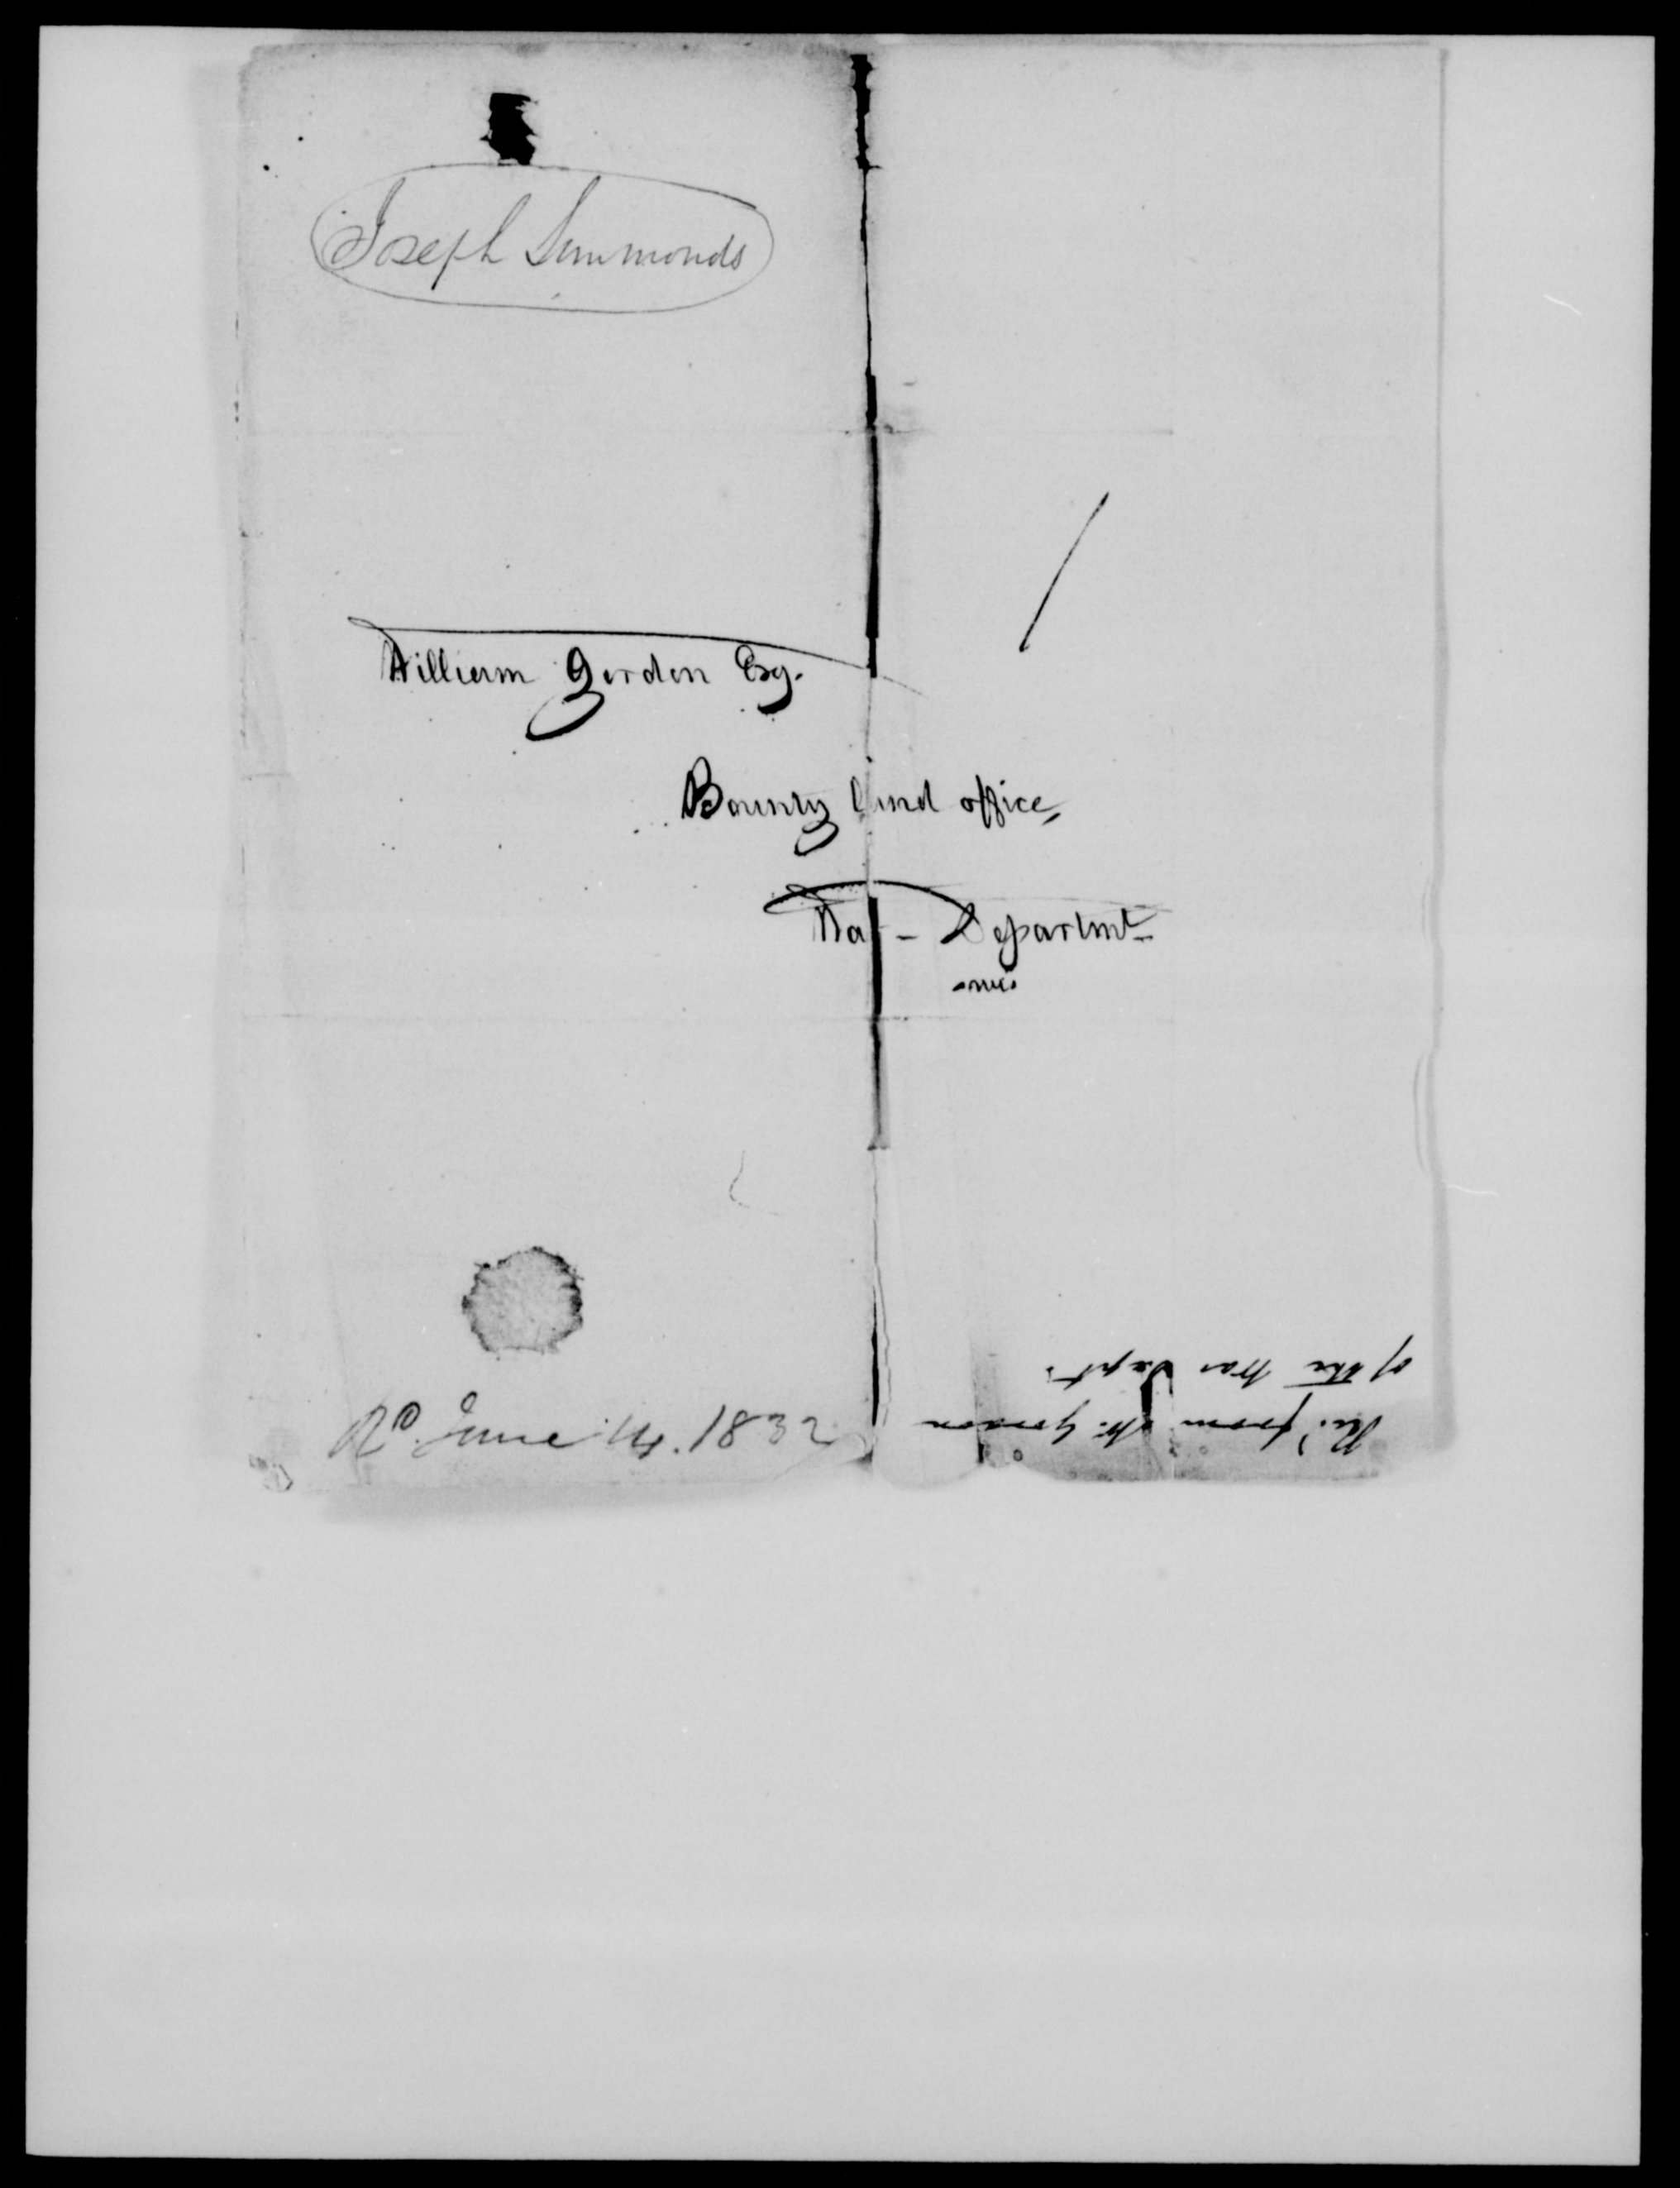Joseph Simmonds
Willliam Gordon Esqr
Bounty Land Office
War Department 
Rec'd June 14 1832
Rec'd from W. Gordon of the War Dept.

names: William Jordon; Joseph Simmonds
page: 5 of 6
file: B. L. Rej., for Henry Simmonds, Pennsylvania